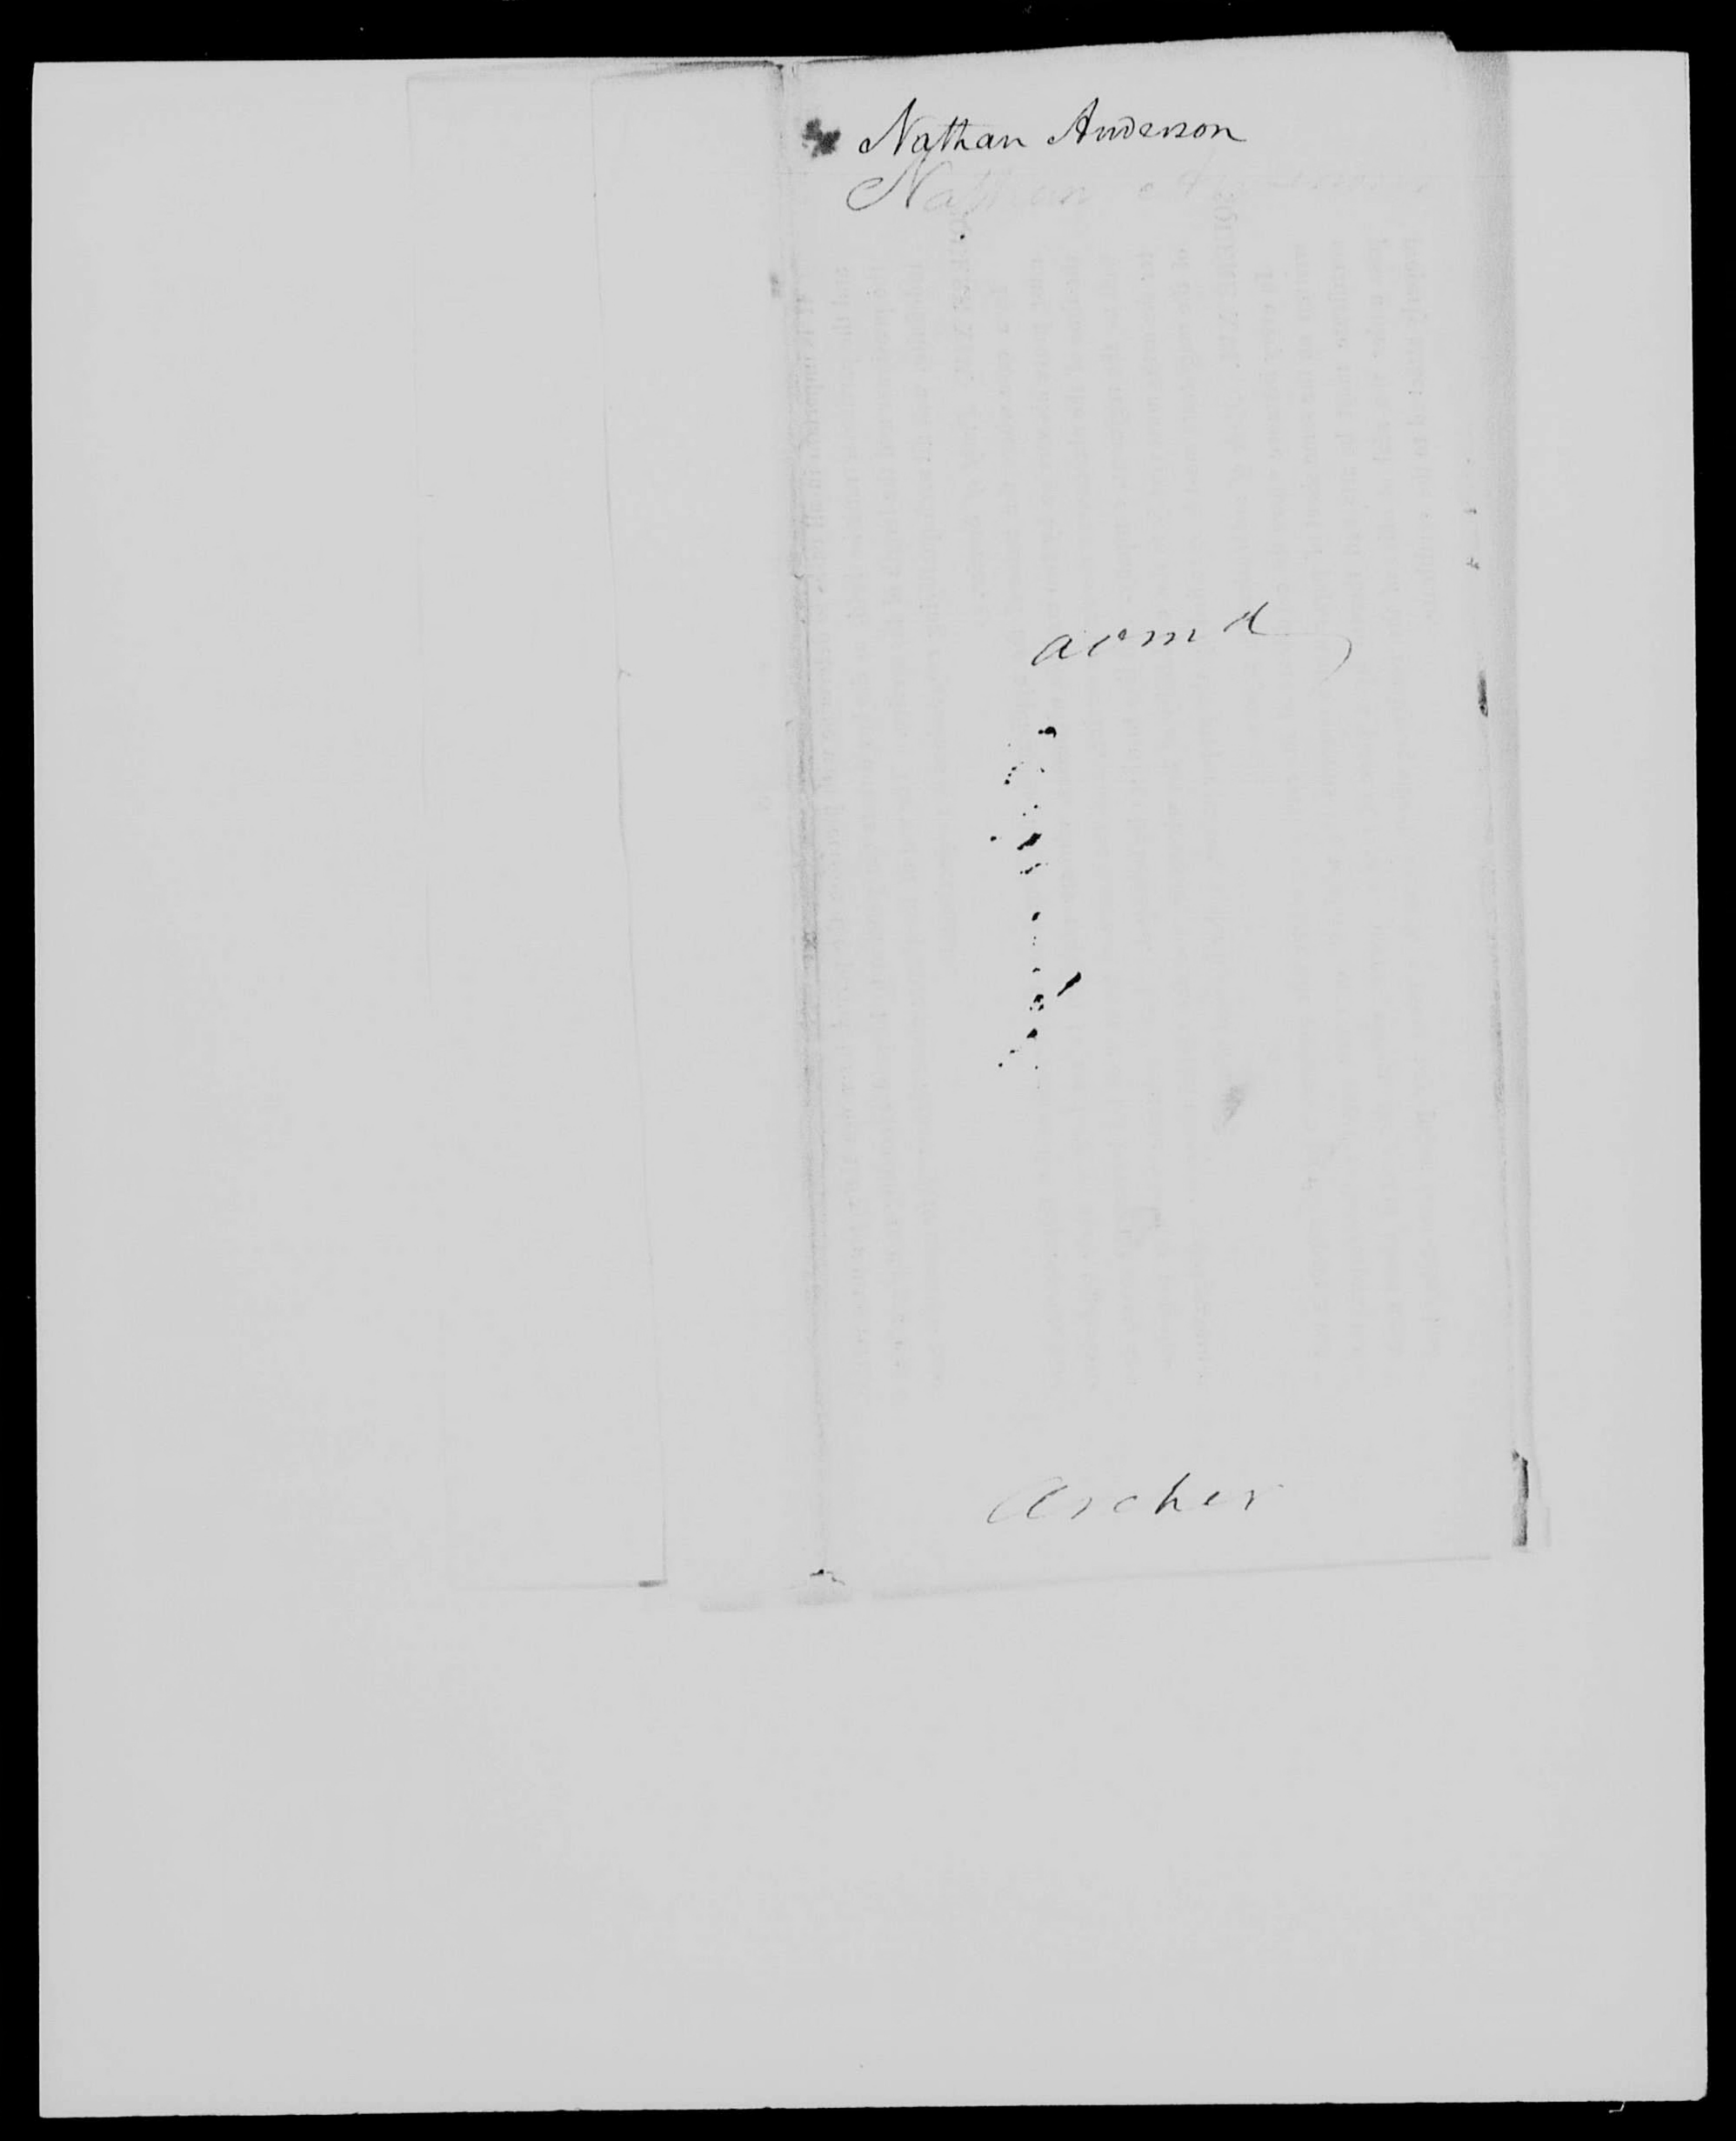Nathan Anderson
Nathan Anderson

admd

Archer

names: Nathan Anderson, Nathan Anderson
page: 31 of 43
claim: widow's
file: W. 5,626, Nathan Anderson, Va.